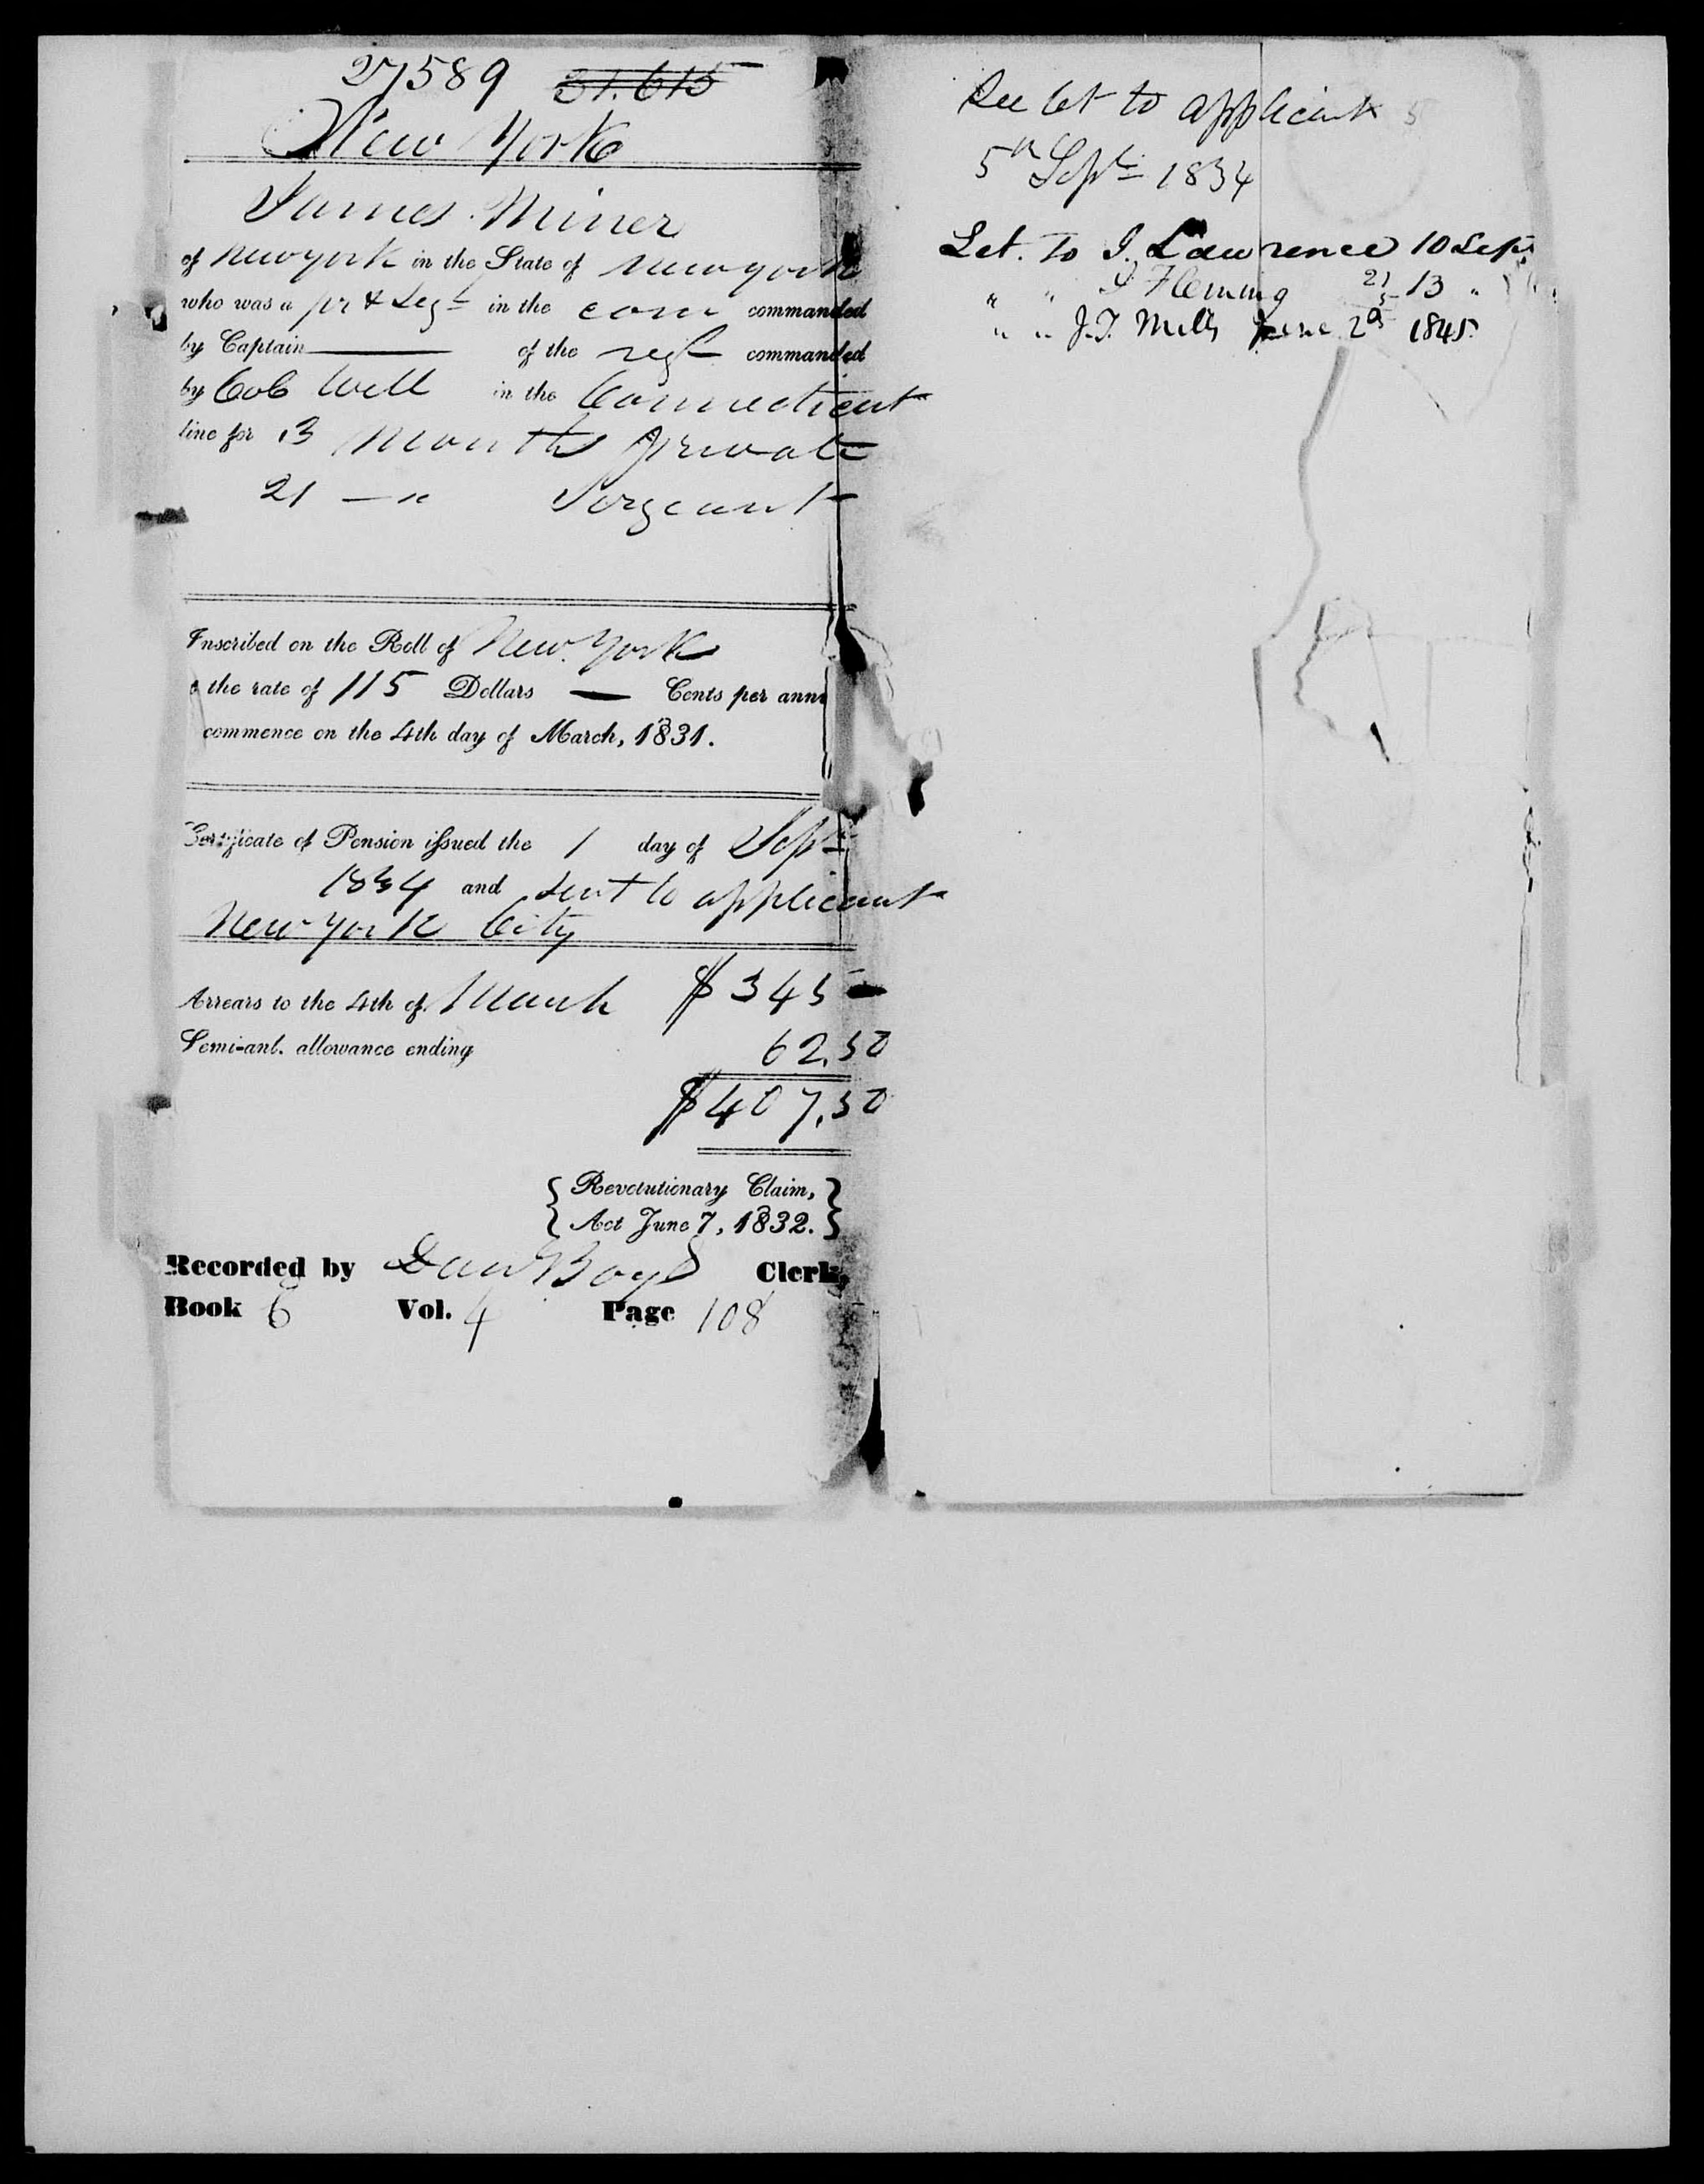27589 ┃
New York
--
James Miner
of New York in the State of New York
who was a pr & set in the com command
by Captain ________ of the regt commanded
by Col Well in the Connecticut line for 
13 months private
21    "    Sergeant
--
Inscribed on the Roll of New York
at the rate of 115 Dollars ___ Cents per annum
commence on the 4th day of March, 1831.
--
Certificate of Pension issued the 1 day of Sept
1834 and sent to applicant
New York City
--
Arrears to the 4th of March          $345-
Semi-anl allowance ending              62.50
                                                      $407.50  
      
{Revolutionary Claim,
Act June 7, 1832.}
Recorded by Danl Boyd Clerk
Book E Vol 4 Page 108

[written on facing page]
See let to applicant
5th Sept 1834

Let. to I. Lawrence           10 Sept
"      "  J. Fleming  21 5    13  "    
"       "  J. T. Mills June 29 1845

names: James Miner; [BLANK] Well; J T Wells; J Lawrence; Danl Boyd; J Fleming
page: 2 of 39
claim: survivor's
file: S. 23802, for James Miner, Connecticut